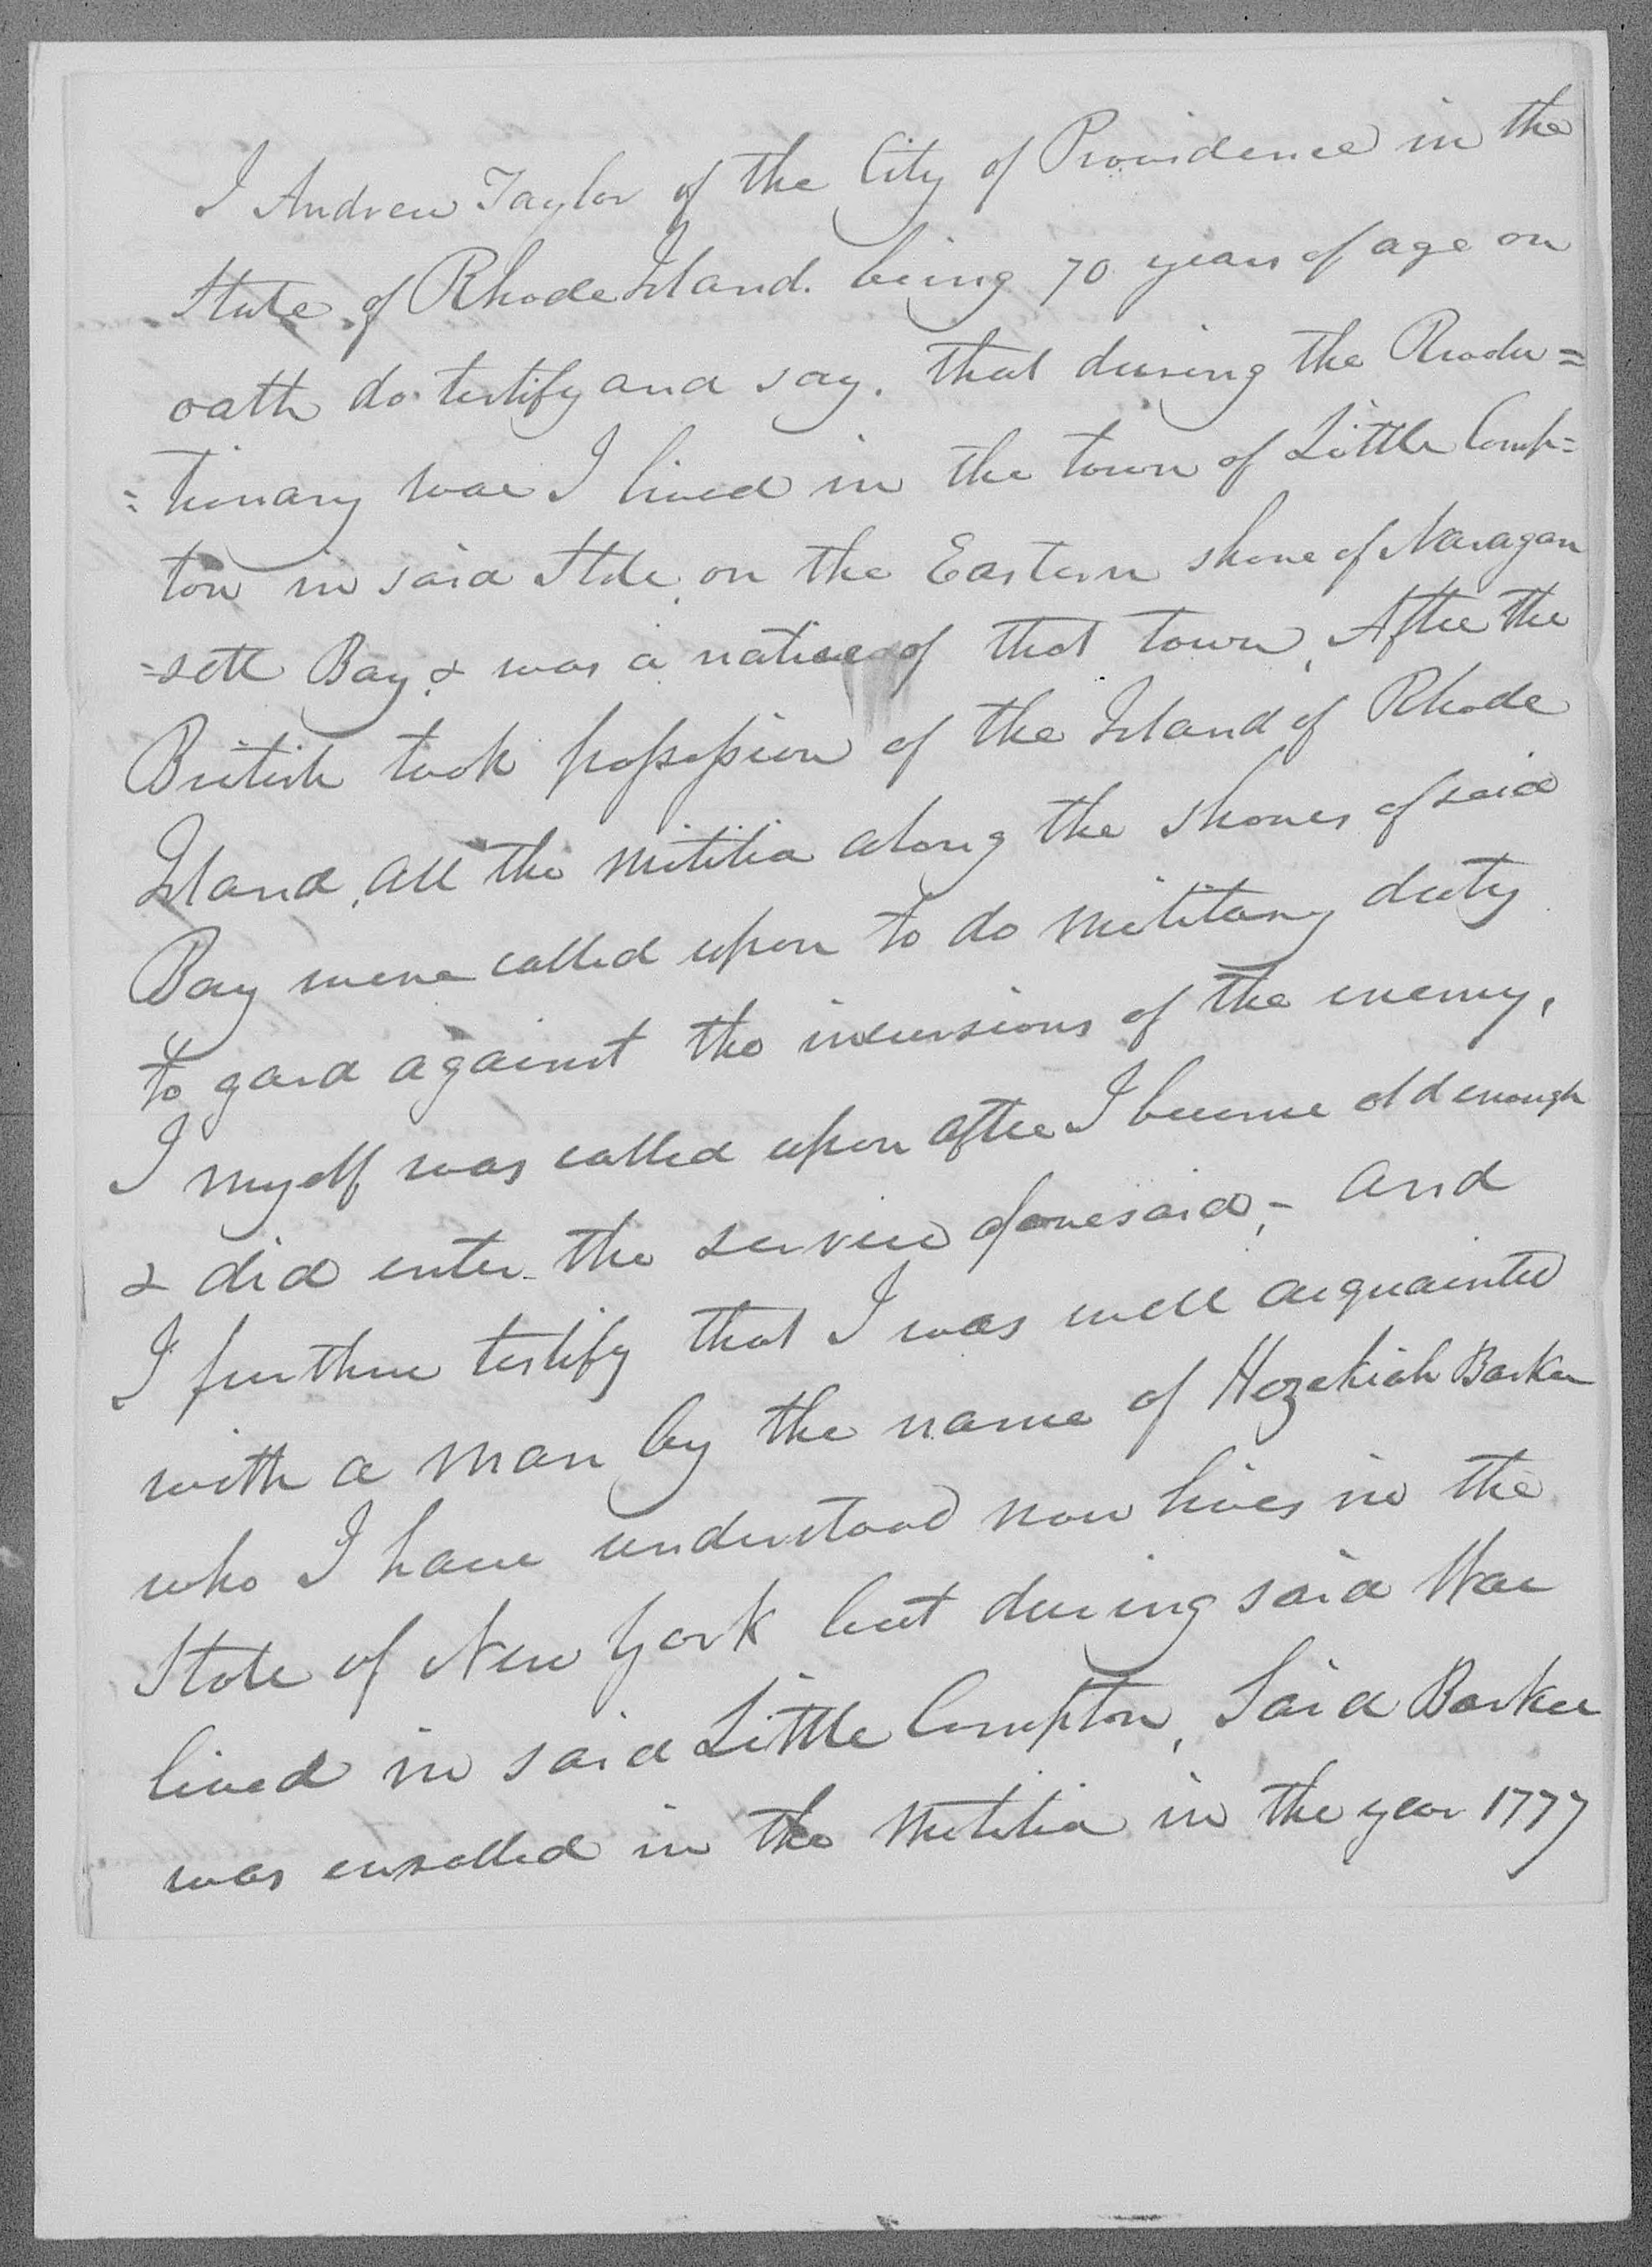I Andrew Taylor of the City of Providence in the
State of Rhode Island being 70 years of age on
oath do testify and say that during the Revolu-
-tionary War I lived in the town of Little Comp-
-ton in said state on the Eastern shore of Naragan-
-sett Bay & was a native of that town.  After the 
British took possession the the Island of Rhode
Island all the militia along the shores of said
Bay were called upon to do military duty
to gard [guard] against the incursions of the enemy.
I myself was called upon after I became old enough
& did enter the service aforesaid. and
I further testify that I was well acquainte
with a man by the name of Hezekiah Barker
who I have understood now lives in the
State of New York but during said War
lived in said Little Compton.  Said Barker
was enrolled in the militia in the year 1777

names: Andrew Taylor, Barker, Hezekiah Barker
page: 38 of 52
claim: widow's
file: W. 18,565, Hezekiah Barker, Continental R.I.